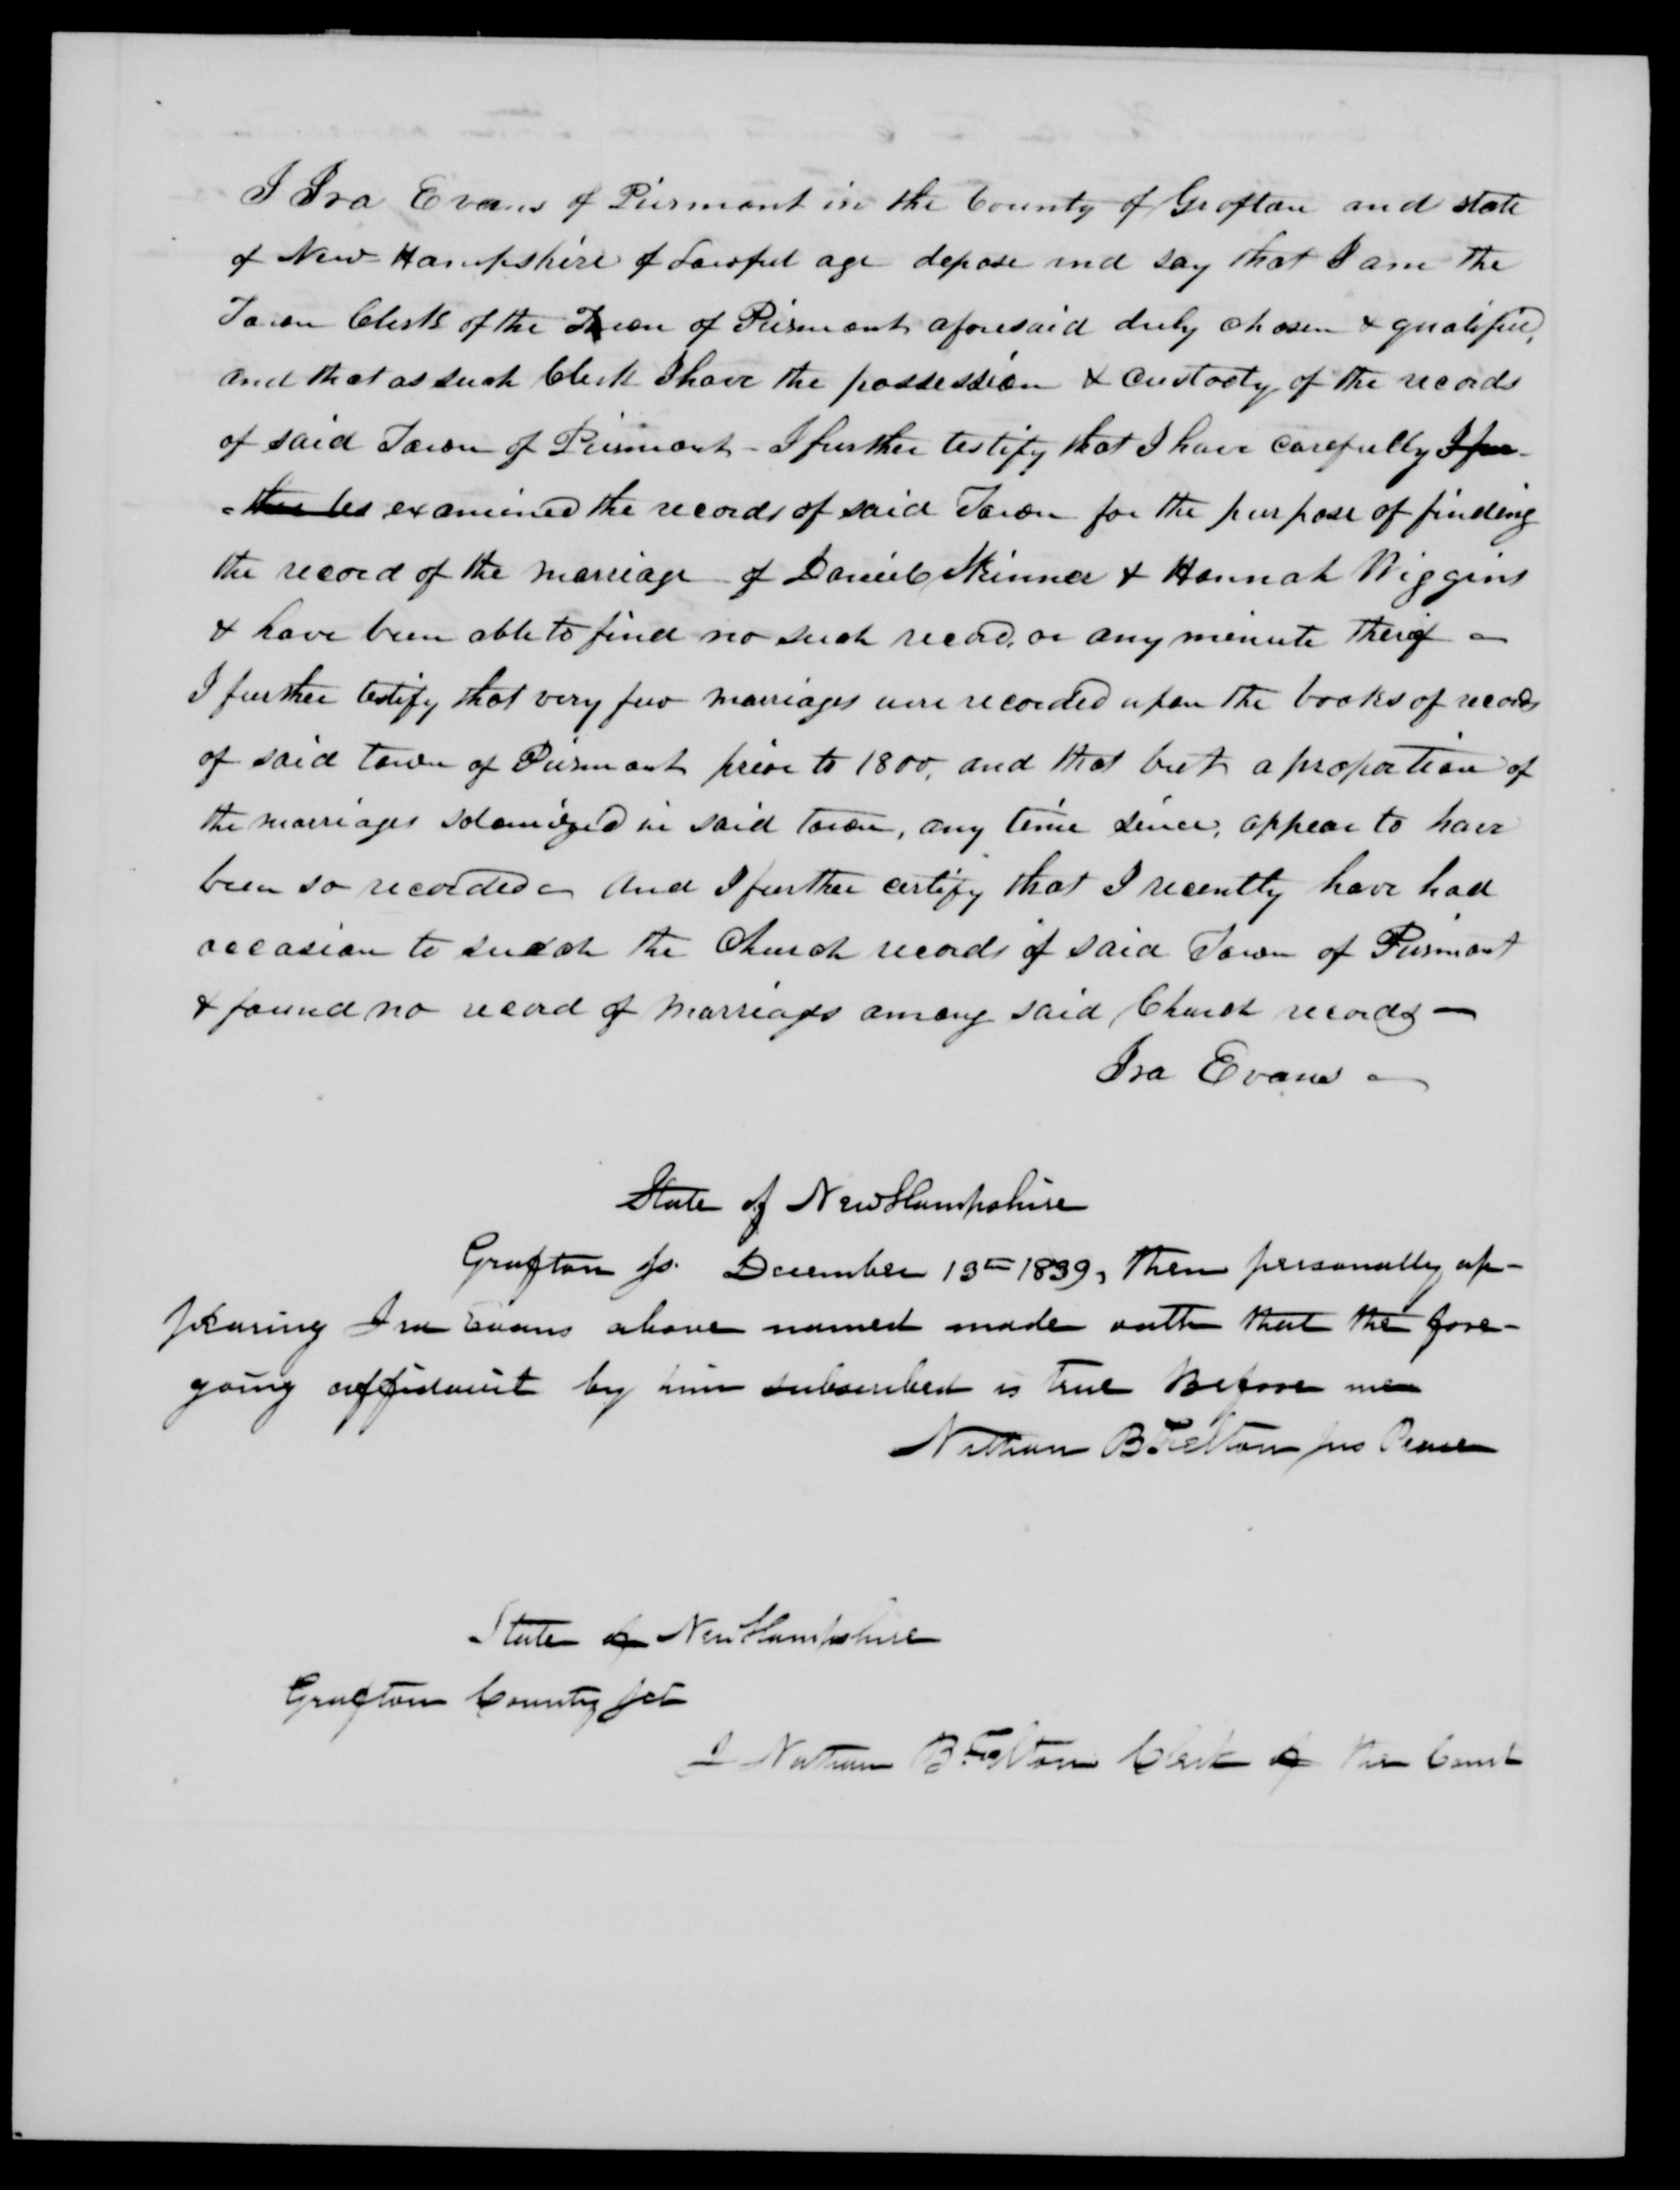I Ira Evans of Piermont in the County of Grafton and State of
New Hampshire of Lawful age depose and say that I am the
Town Clerk of the Town of Piermont aforesaid duly chosen & qualified
and that as such Clerk I have the possession & custody of the records
of said Town of Piermont. I further testify that I have carefully
examined the records of said Town for the purpose of finding
the record of the marriage of Daniel Skinner & Hannah Wiggins
& have been able to find no such record, or any minute thereof--
I further testify that very few marriages were recorded upon the book of records
of said town of Piermont prior to 1800, and that but a proportion of
the marriages solemnized in said town, any time since, appear to have
been so recorded - And I further certify that I recently have had
occasion tosearch the church records of said Town of Piermont
& found no record of marriages among said church records-
Ira Evans

State of New Hampshire
Grafton ss. December 13th 1839, then personally appearing
Ira Evans above named made oath that the foregoing
affidavit by him subscribed is true before me
Nathan Belton Jus Peace

State of New Hampshire
Grafton County Jct
I Nathan Belton Clerk of the Court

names: Nathan B Felton; Ira Evans; Hannah Wiggins; Ira Evans; Ira Evans; Nathan B Felton; Daniel Skinner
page: 37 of 46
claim: widow's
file: W. 24976, for Daniel Skinner, New Hampshire